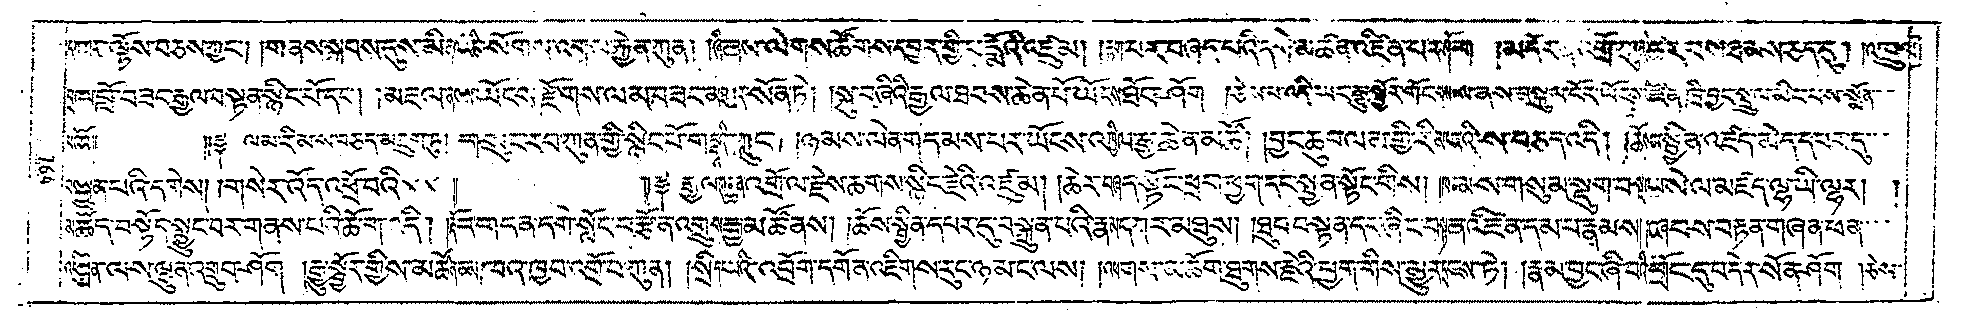དཀར་ལྟོས་བཅས་ཀྱང་། །གནས་སྐབས་དུས་མིན་འཆི་སོགས་འགལ་རྐྱེན་ཀུན། །ཞི་ནས་ལེགས་ཚོགས་དབྱར་གྱི་པདམོའི་འཛུམ། །རྟག་པར་བཞད་པའི་དགེ་མཚན་འཛིན་པར་ཤོག །མདོར་ན་འགྲོ་ཀུན་ཚེ་རབས་ཐམས་ཅད་དུ། །འཁྲིལ་
བྲལ་བློ་བཟང་རྒྱལ་བསྟན་སྙིང་པོ་དང་། །མཇལ་ནས་ཡོངས་རྫོགས་ལམ་བཟང་མཐར་སོན་ཏེ། །སྐུ་བཞིའི་རྒྱལ་ཐབས་ཆེན་པོ་ཡོངས་ཐོབ་ཤོག །ཅེས་པ་འདི་ཡང་རྒྱུ་སྦྱོར་གོང་གསལ་ནས་བསྐུལ་ངོར་ཡོངས་འཛིན་ཁྲི་བྱང་སྤྲུལ་མིང་པས་སྨོན་
པའོ།། །། ༈ ལམ་རིམ་ས་བཅད་མཇུག་ཏུ། གསུང་རབ་ཀུན་གྱི་སྙིང་པོ་གངྒཱའི་ཀླུང་། །ཉམས་ལེན་གདམས་པར་ཡོངས་འཁྱིལ་རྒྱ་ཆེན་མཚོ། །བྱང་ཆུབ་ལམ་གྱི་རིམ་པའི་ས་བཅད་འདི། །ཆོས་སྦྱིན་འཛད་མེད་དཔར་དུ་
བསྐྲུན་པའི་དགེས། །གསེར་འོད་འཕྲོ་བའི་྾་྾།། །། ༈ རྒྱལ་ཀུན་འགྲོ་ལ་རྗེས་ཆགས་སྙིང་རྗེའི་འཛུམ། །ཆེར་བཞད་སྟོང་ཕྲག་ཕྱག་དང་སྤྱན་སྟོང་གིས། །ཁམས་གསུམ་སྡུག་བསྔལ་སེལ་མཛད་ལྷ་ཡི་ལྷར། །
མཆོད་བསྟོད་སྨྱུང་བར་གནས་པའི་ཆོ་ག་འདི། །རྡོར་གདན་དགེ་སློང་བརྩོན་འགྲུས་རྒྱ་མཚོ་ནས། །ཆོས་སྦྱིན་དཔར་དུ་བསྐྲུན་པའི་རྣམ་དཀར་མཐུས། །ཐུབ་བསྟན་དར་ཞིང་བསྟན་འཛིན་དམ་པ་རྣམས། །ཞབས་བརྟན་གཞན་ཕན་
འཕྲིན་ལས་ལྷུན་འགྲུབ་ཤོག །རྒྱུ་སྦྱོར་གྱིས་མཚོན་མཁའ་ཁྱབ་འགྲོ་བ་ཀུན། །སྲིད་པའི་འབྲོག་དགོན་འཇིགས་རུང་ཉམ་ང་ལས། །འཕགས་མཆོག་ཐུགས་རྗེའི་ཕྱག་གིས་མྱུར་དྲངས་ཏེ། །རྣམ་བྱང་ཞི་བའི་གྲོང་དུ་བདེར་སོན་ཤོག །ཅེས་